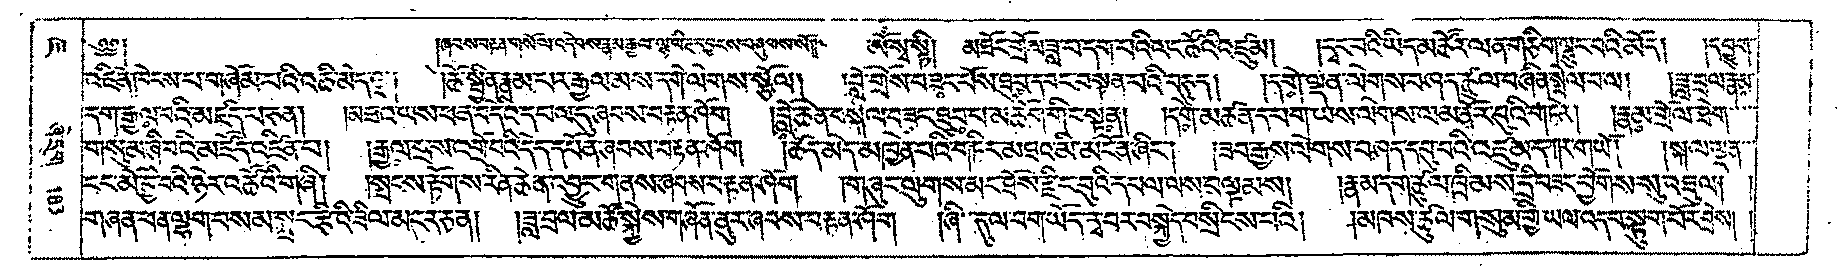༄༅། ། ཞབས་བརྟན་གསོལ་འདེབས་རྣམ་རྒྱལ་ལྷ་ཡི་རྔ་དབྱངས་བཞུགས་སོ།  །ཨོཾ་སྭ་སྟི། མཐོང་གྲོལ་ཟླ་བ་དག་པའི་ལང་ཚོའི་འཛུམ། །དྭང་བའི་ཡིད་མཚོར་ལན་གཅིག་ལྷུང་བའི་མོད། །དབྱུག་
འཛིན་ཁེངས་པ་གཞོམ་པའི་འཆི་མེད་ལྷ། །ཚེ་སྦྱིན་རྣམ་པར་རྒྱལ་མས་དགེ་ལེགས་སྩོལ། །བློ྾་གྲོས་བཟང྾་པོས་ཐུབ྾་དབང་བསྟན྾་པའི་བཅུད། །དགེ྾་ལྡན་ལེགས྾་བཤད་ཚུལ་བཞིན་སྤེལ་བ་ལ། །ཟླ་བྲལ་རྣམ྾་
དག་རྒྱལ྾་བའི་མཛད་པ་ཅན། །མཐའ་ཡས་ཕན་བདེའི་དཔལ་དུ་ཞབས་བརྟན་ཤོག །བློ྾་ཆེན་བསྐལ་བཟང྾་ཐུབ྾་པ་མཆོག་གི་བསྟན྾། །དགེ྾་མཚན་དཔག་ཡས་ལེགས྾་ལམ་ནོར་བུའི་གཏེར། །རྣམ྾་གྲོལ་ཐེག་
གསུམ་ཞི་བའི་མཛོད་འཛིན་པ། །རྒྱལ྾་སྲས་འགྲོ་བའི་དེད་དཔོན་ཞབས་བརྟན་ཤོག །ཚད་མེད་མཁྱེན་པའི་གཏིང་མཐའ་མི་མངོན་ཞིང་། །ཟབ་རྒྱས་ལེགས་བཤད་དབུ་བའི་འཛུམ་དཀར་གཡོ། །སྐལ་ལྡན་
ངང་མོ་བྱེ་བའི་ཉེར་འཚོའི་གཞི། །སྤངས་རྟོགས་རིན་ཆེན་འབྱུང་གནས་ཞབས་བརྟན་ཤོག །གཞུང་ལུགས་མང་ཐོས་རྫིང་བུའི་དཔལ་ལས་བལྟམས། །རྣམ་དག་ཚུལ་ཁྲིམས་དྲི་བཟང་ཕྱོགས་སུ་འཐུལ། །
གཞན་ཕན་ལྷག་བསམ་སྦྲང་རྩིའི་ཟིལ་མངར་ཅན། །ཟླ་བྲལ་མཚོ་སྐྱེས་གཞོན་ནུར་ཞབས་བརྟན་ཤོག །ཞི་དུལ་བག་ཡོད་རྭ་བར་བསྐྱེད་བསྲིངས་པའི། །མཁས་ཚུལ་གསུམ་གྱི་ཡལ་འདབ་སྟུག་པོར་བྲེས། །